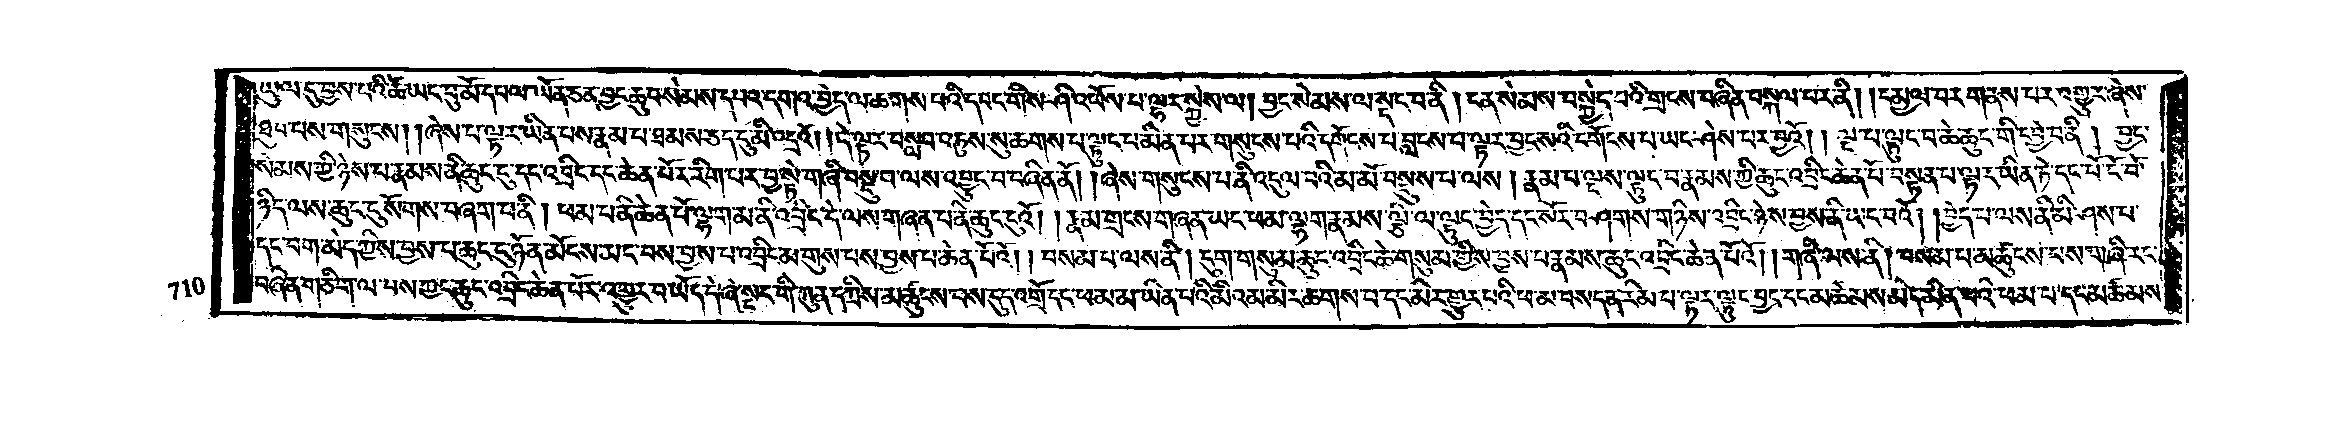ཡུལ་དུ་བྱས་པའི་ཚེ་ཡང་བུ་མོ་དཔལ་ཡོན་ཅན་བྱང་ཆུབ་སེམས་དཔའ་དགའ་བྱེད་ལ་ཆགས་པའི་དབང་གིས་ཤི་འཕོས་པ་ལྷར་སྐྱེས་ལ། བྱང་སེམས་ལ་སྡང་བ་ནི། ངན་སེམས་བསྐྱེད་པའི་གྲངས་བཞིན་བསྐལ་པར་ནི། །དམྱལ་བར་གནས་པར་འགྱུར་ཞེས་
ཐུབ་པས་གསུངས། །ཞེས་པ་ལྟར་ཡིན་པས་རྣམ་པ་ཐམས་ཅད་དུ་མི་འདྲའོ། །དེ་ལྟར་བསླབ་བཏུས་སུ་ཆགས་པ་ལྟུང་བ་མིན་པར་གསུངས་པའི་དགོངས་པ་བླངས་པ་ལྟར་བྱང་སའི་དགོངས་པ་ཡང་ཤེས་པར་བྱའོ། །ལྔ་པ་ལྟུང་བ་ཆེ་ཆུང་གི་དབྱེ་བ་ནི། བྱང་
སེམས་ཀྱི་ཉེས་པ་རྣམས་ནི་ཆུང་ངུ་དང་འབྲིང་དང་ཆེན་པོར་རིག་པར་བྱ་སྟེ་གཞི་བསྡུ་བ་ལས་འབྱུང་བ་བཞིན་ནོ། །ཞེས་གསུངས་པ་ནི་འདུལ་བའི་མ་མོ་བསྡུས་པ་ལས། རྣམ་པ་ལྔས་ལྟུང་བ་རྣམས་ཀྱི་ཆུང་འབྲིང་ཆེན་པོ་བསྟན་པ་ལྟར་ཡིན་ཏེ་དང་པོ་ངོ་བོ་
ཉིད་ལས་ཆུང་ངུ་སོགས་བཞག་པ་ནི། ཕམ་པ་ནི་ཆེན་པོ་ལྷག་མ་ནི་འབྲིང་དེ་ལས་གཞན་པ་ནི་ཆུང་ངུའོ། །རྣམ་གྲངས་གཞན་ཡང་ཕམ་ལྷག་རྣམས་ལྕི་ལ་ལྟུང་བྱེད་དང་སོར་བཤགས་གཉིས་འབྲིང་ཉེས་བྱས་ནི་ཡང་བའོ། །བྱེད་པ་ལས་ནི་མི་ཤས་པ་
དང་བག་མེད་ཀྱིས་བྱས་པ་ཆུང་ངུ་ཉོན་མོངས་མང་བས་བྱས་པ་འབྲིང་མ་གུས་པས་བྱས་པ་ཆེན་པོའོ། །བསམ་པ་ལས་ནི། དུག་གསུམ་ཆུང་འབྲིང་ཆེ་གསུམ་གྱིས་བྱས་པ་རྣམས་ཆུང་འབྲིང་ཆེན་པོའོ། །གཞི་ལས་ནི། བསམ་པ་མཚུངས་པས་གཞི་རང་
བཞིན་གཅིག་ལ་པས་ཀྱང་ཆུང་འབྲིང་ཆེན་པོར་འགྱུར་བ་ཡོད་དེ་ཞེ་སྡང་གི་ཀུན་དཀྲིས་མཚུངས་པས་དུད་འགྲོ་དང་ཕ་མ་མ་ཡིན་པའི་མིའམ་མིར་ཆགས་པ་དང་མིར་གྱུར་པའི་ཕ་མ་བསད་ན་རིམ་པ་ལྟར་ལྟུང་བྱང་དང་མཚམས་མེད་མིན་པའི་ཕམ་པ་དང་མཚམས་